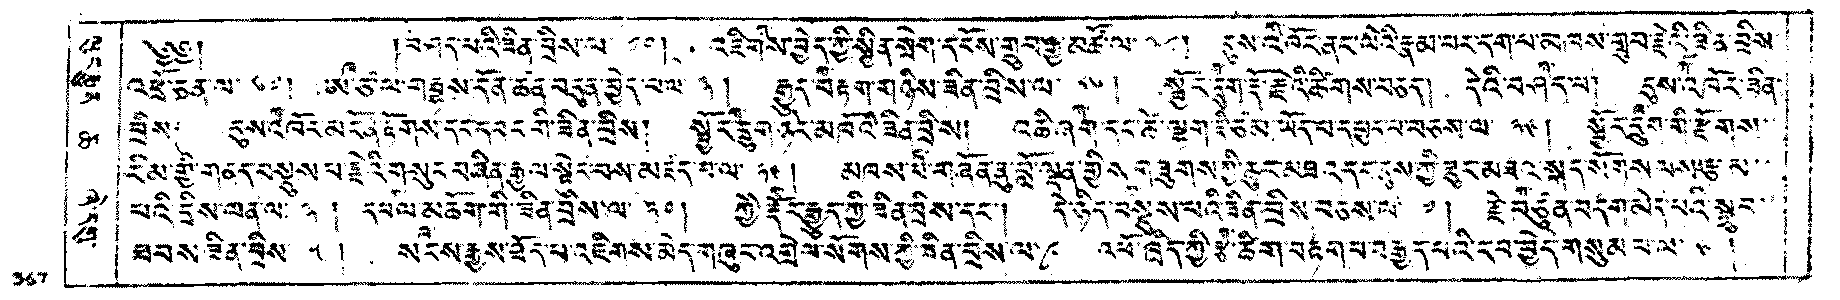༄༅། །བཤད་པའི་ཟིན་བྲིས་ལ ༡༠། ཀ་འཇིགས་བྱེད་ཀྱི་སྦྱིན་སྲེག་དངོས་གྲུབ་རྒྱ་མཚོ་ལ ༣༡། ཀ་དུས་འཁོར་ནང་ལེའི་རྣམ་པར་དག་པ་མཁས་གྲུབ་རྗེའི་ཟིན་བྲིས་
འཕྲོ་ཅན་ལ ༦༧། ཁ་ཨ་ཙ་ལ་གརྦྷས་དོན་ཚན་བདུན་བྱེད་པ་ལ ༣། ཀ་རྒྱུད་བ་བརྟག་གཉིས་ཟིན་བྲིས་ལ ༨༦། ཀ་སྦྱོར་དྲུག་རྡོ་རྗེའི་ཚིགས་བཅད། ཀ་དེའི་བཤད་པ། ཀ་དུས་འཁོར་ཟིན་
བྲིས༑ ཀ་དུས་འཁོར་མངོན་རྟོགས་དང་དབང་གི་ཟིན་བྲིས། ཀ་སྦྱོར་དྲུག་ཉེར་མཁོའི་ཟིན་བྲིས། ཀ་འཆི་ཞག་དང་ཚེ་ལྷག་ཇི་ཙམ་ཡོད་པ་དཔྱད་པ་བཅས་ལ ༢༤། ཁ་སྦྱོར་དྲུག་གི་རྫོགས་
རིམ་གྱི་གནད་བསྡུས་པ་རྗེའི་གསུང་བཞིན་རྒྱལ་སྟེང་པས་མཛད་པ་ལ ༢༤། ཁ་མཁས་པ་གཞོན་ནུ་བློ་ལྡན་གྱིས་གཟུགས་ཀྱི་ཆུང་མཐའ་དང་དུས་ཀྱི་ཐུང་མཐའ་སྐད་སོགས་ལས་རྩམ་
པའི་དྲིས་ལན་ལ ༣། ཀ་དཔལ་མཆོག་གི་ཟིན་བྲིས་ལ ༢༠། ཀ་ཀྱཻ་རྡོར་རྒྱུད་ཀྱི་ཟིན་བྲིས་དང་། ཀ་དེ་ཉིད་བསྡུས་པའི་ཟིན་བྲིས་བཅས་ལ ༧། ཀ་རྗེ་བཙུན་བདག་མེད་པའི་སྒྲུབ་
ཐབས་ཟིན་བྲིས ༥། ཁ་སངས་རྒྱས་ཐོད་པ་འཇིགས་མེད་གཞུང་འགྲེལ་སོགས་ཀྱི་ཟིན་བྲིས་ལ ༩། ཀ་འཕོ་ཁྲིད་ཀྱི་རྩ་ཚིག་བརྟག་པ་བརྒྱད་པའི་རབ་བྱེད་གསུམ་པ་ལ ༤།